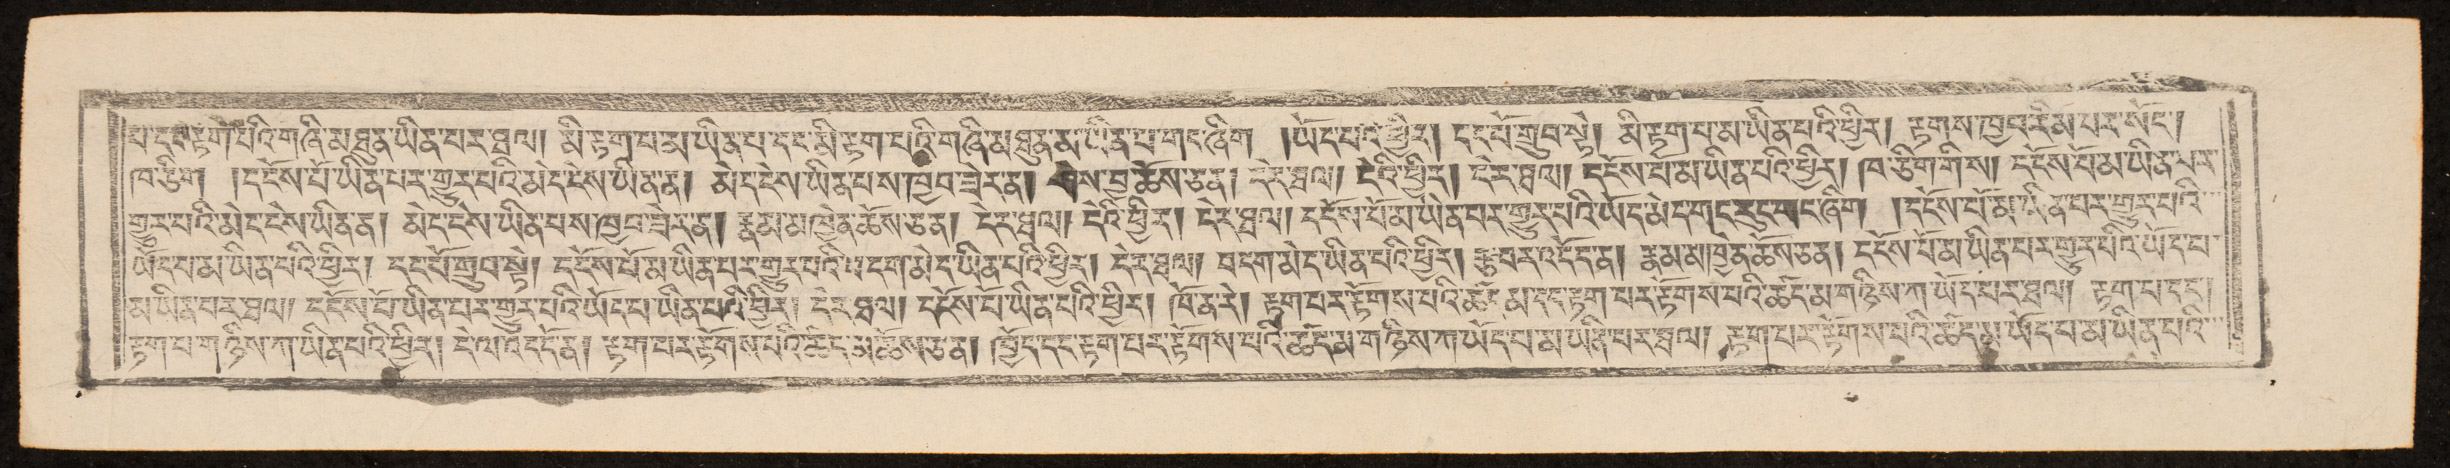པ་དང་རྟག་པའི་གཞི་མཐུན་ཡིན་པར་ཐལ། མི་རྟག་པ་མ་ཡིན་པ་དང་མི་རྟག་པའི་གཞི་མཐུན་མ་ཡིན་པ་གང་ཞིག། ཡོད་པའི་ཕྱིར། དང་པོ་གྲུབ་སྟེ། མི་རྟག་པ་མ་ཡིན་པའི་ཕྱིར། རྟགས་ཁྱབ་རིམ་པར་སོང་།
ཁ་ཅིག། དངོས་པོ་ཡིན་པར་གྱུར་པའི་མེད་ངེས་ཡིན་ན། མེད་ངེས་ཡིན་པས་ཁྱབ་ཟེར་ན། ཤེས་བྱ་ཆོས་ཅན། དེར་ཐལ། དེའི་ཕྱིར། དེར་ཐལ། དངོས་པོ་མ་ཡིན་པའི་ཕྱིར། ཁ་ཅིག་གིས། དངོས་པོ་མ་ཡིན་པར།
གྱུར་པའི་མེད་ངེས་ཡིན་ན། མེད་ངེས་ཡིན་པས་ཁྱབ་ཟེར་ན། རྣམ་མཁྱེན་ཆོས་ཅན། དེར་ཐལ། དེའི་ཕྱིར། དེར་ཐལ། དངོས་པོ་མ་ཡིན་པར་གྱུར་པའི་ཡོད་མེད་གང་རུང་གང་ཞིག། དངོས་པོ་མ་ཡིན་པར་གྱུར་པའི་
ཡོད་པ་མ་ཡིན་པའི་ཕྱིར། དང་པོ་གྲུབ་སྟེ། དངོས་པོ་མ་ཡིན་པར་གྱུར་པའི་བདག་མེད་ཡིན་པའི་ཕྱིར། དེར་ཐལ། བདག་མེད་ཡིན་པའི་ཕྱིར། རྩ་བར་འདོད་ན། རྣམ་མཁྱེན་ཆོས་ཅན། དངོས་པོ་མ་ཡིན་པར་གྱུར་པའི་ཡོད་པ་
མ་ཡིན་པར་ཐལ། དངོས་པོ་ཡིན་པར་གྱུར་པའི་ཡོད་པ་ཡིན་པའི་ཕྱིར། དེར་ཐལ། དངོས་པོ་ཡིན་པའི་ཕྱིར། ཁོ་ན་རེ། རྟག་པར་རྟོགས་པའི་ཚད་མ་དང་རྟགས་པར་རྟོགས་པའི་ཚད་མ་གཉིས་ཀ་ཡོད་པར་ཐལ། རྟག་པ་དང་།
རྟག་པ་གཉིས་ཀ་ཡིན་པའི་ཕྱིར། དེ་ལ་འདོད་ན། རྟག་པར་རྟོགས་པའི་ཚད་མ་ཆོས་ཅན། ཁྱོད་དང་རྟག་པར་རྟོགས་པའི་ཚད་མ་གཉིས་ཀ་ཡོད་པ་མ་ཡིན་པར་ཐལ། རྟག་པར་རྟོགས་པའི་ཚད་མ་ཡོད་པ་མ་ཡིན་པའི་